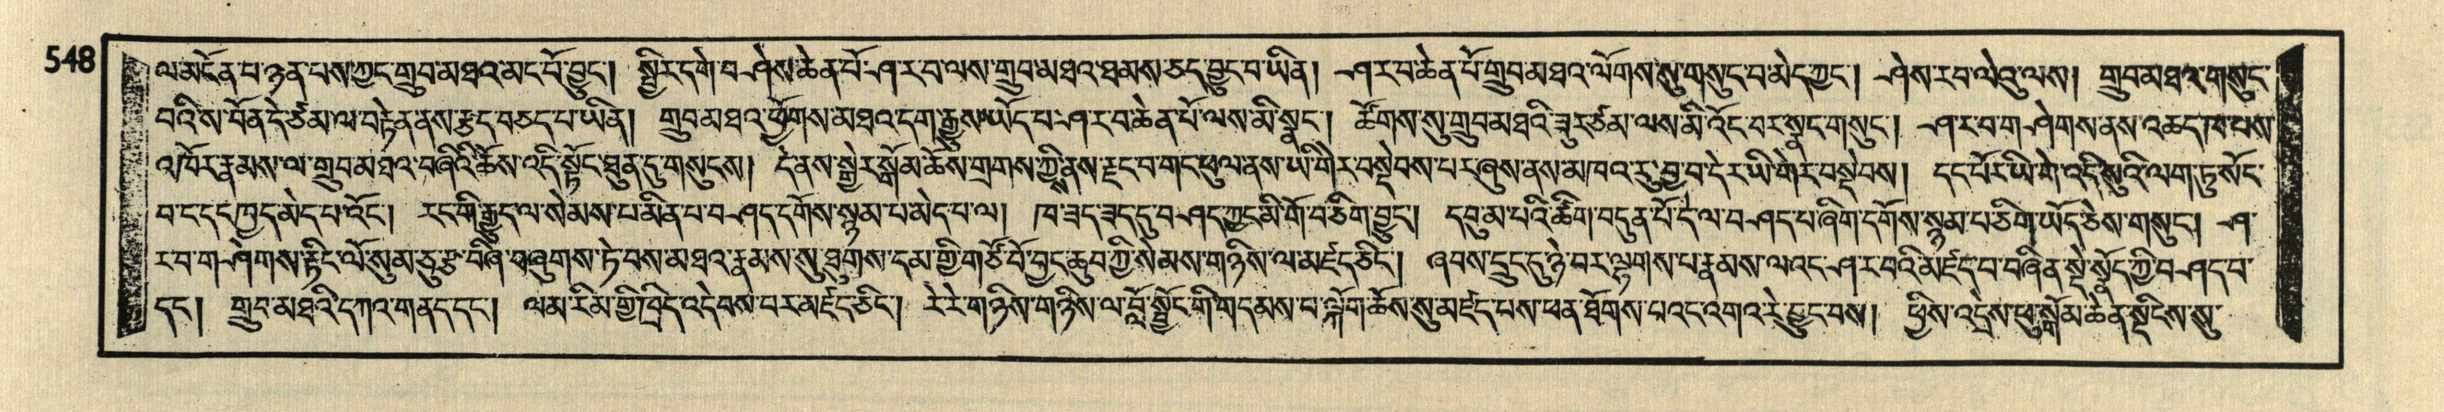ལ་མངོན་པ་ཉན་པས་ཀྱང་གྲུབ་མཐའ་མང་པོ་བྱུང་། སྦྱིར་དགེ་བཤེས་ཆེན་པོ་ཤར་བ་ལས་གྲུབ་མཐའ་ཐམས་ཅད་བྱུང་བ་ཡིན། ཤར་བ་ཆེན་པོ་གྲུབ་མཐའ་ལོགས་སུ་གསུང་བ་མེད་ཀྱང་། ཤེས་རབ་ལེའུ་ལས། གྲུབ་མཐའ་གསུང་
བའི་ས་བོན་དེ་ཙམ་ལ་བརྟེན་ནས་རྩད་བཅད་པ་ཡིན། གྲུབ་མཐའ་ཕྱོགས་མཐའ་དག་རྒྱུས་ཡོད་པ་ཤར་བ་ཆེན་པོ་ལས་མི་སྣང་། ཚོགས་སུ་གྲུབ་མཐའི་ཟུར་ཙམ་ལས་མི་འོང་བར་སྣང་གསུང་། ཤ་ར་བ་གཤེགས་ནས་འཆད་ཁ་པས་
འཁོར་རྣམས་ལ་གྲུབ་མཐའ་བཞིའི་ཆོས་འདི་སྟོང་ཐུན་དུ་གསུངས། དེ་ནས་སྒྱེར་སྒོམ་ཆོས་གྲགས་ཀྱིས་ནས་རྗང་བ་གང་ཕུལ་ནས་ཡི་གེར་བསྡེབས་པར་ཞུས་ནས་མཁའ་རུ་བྱ་བ་དེར་ཡི་གེར་བསྡེབས། དང་པོར་ཡི་གེ་འདི་སུའི་ལག་ཏུ་སོང་
བ་ང་དང་ཁྱད་མེད་པ་འོང་། རང་གི་རྒྱུད་ལ་སེམས་པ་མིན་པ་བཤད་དགོས་སྙམ་པ་མེད་པ་ལ། ཁ་ཟད་ཟད་དུ་བཤད་ཀྱང་མི་གོ་བ་ཅིག་བྱུང་། དབུ་མ་པའི་ཚིག་བདུན་པོ་དེ་ལ་བཤད་པ་ཞིག་དགོས་སྙམ་པ་ཅིག་ཡོད་ཅེས་གསུང་། ཤ་
རབ་གཤེགས་རྟིང་ལོ་སུམ་ཅུ་རྩ་བཞི་བཞུགས་ཏེ་བས་མཐའ་རྣམས་སུ་ཐུགས་དམ་གྱི་གཙོ་བོ་བྱང་ཆུབ་ཀྱི་སེམས་གཉིས་ལ་མཛད་ཅིང་། ཞབས་དྲུང་དུ་ཉེ་བར་ལྷགས་པ་རྣམས་ལའང་ཤར་བའི་མཛད་པ་བཞིན་སྡེ་སྣོད་ཀྱི་བཤད་པ་
དང་། གྲུབ་མཐའི་དཀའ་གནད་དང་། ལམ་རིམ་གྱི་ཁྲིད་འདེབས་བར་མཛད་ཅིང་། རེ་རེ་གཉིས་གཉིས་ལ་བློ་སྦྱོང་གི་གདམས་བ་ལྐོག་ཆོས་སུ་མཛད་པས་ཕན་ཐོགས་པའང་འགའ་རེ་བྱུང་བས། ཕྱིས་འདྲེས་ཕུ་སྒོམ་ཆེན་སྡིངས་སུ་